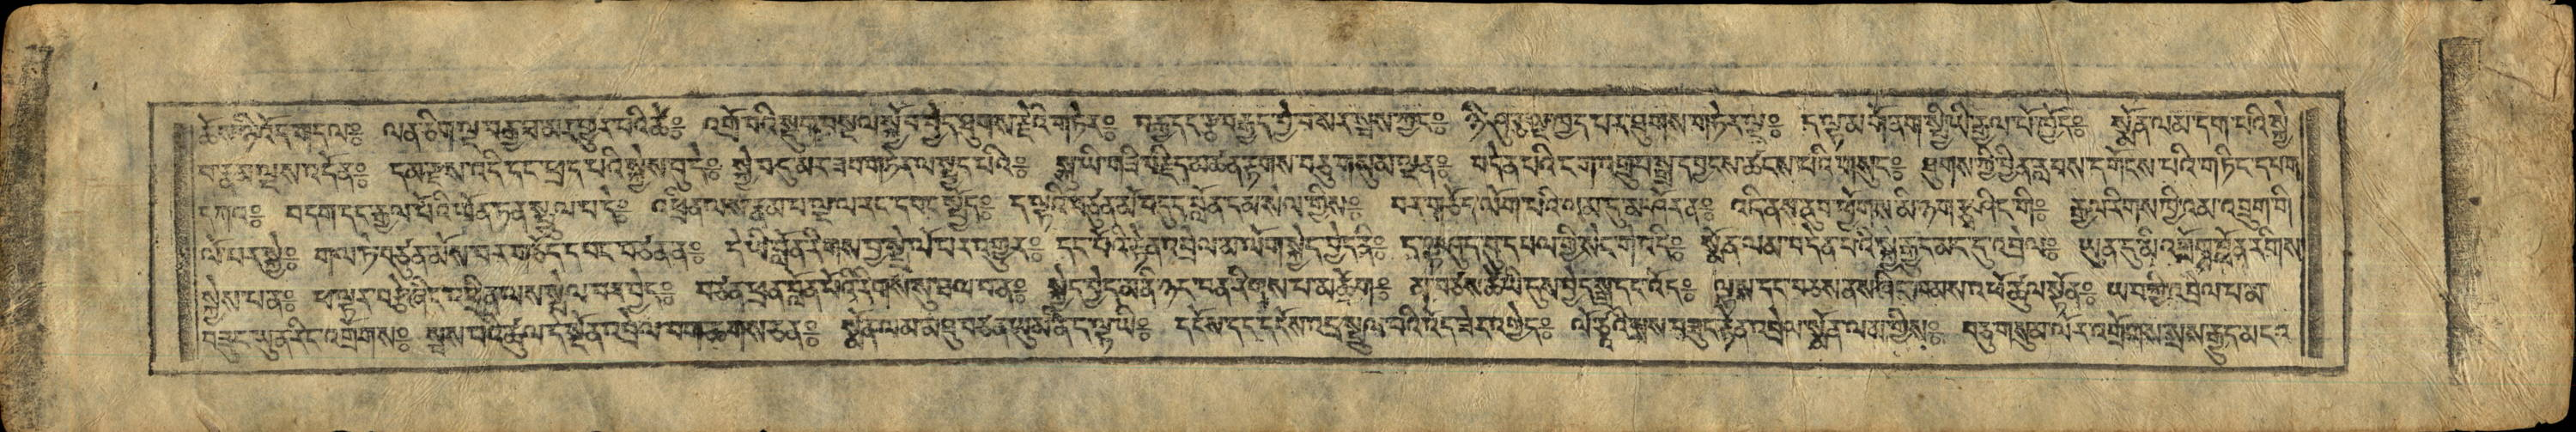ཆོས་ཉི་འོད་གདལཿ་ལན་ཅིག་ལྔ་བརྒྱ་ཐ་མར་གྱུར་བའི་ཚེཿ་འགྲོ་བའི་སྡུག་བསྔལ་སྐྱོབ་བྱེད་ཐུགས་རྗེའི་གཏེརཿ་བརྒྱ་དང་རྩ་བརྒྱད་བྱེ་བ་སར་སྦས་ཀྱངཿ་ཉི་ཤུ་རྩ་ལྔ་ཁྱར་པར་ཐུགས་གཏེར་ལྔཿ་ད་ལྟ་མགོ་ནག་སྤྱི་ཡི་རྒྱལ་པོ་ཁྱོདཿ་སྨོན་ལམ་དག་པའི་སྐྱེ་
པ་རྣམ་ལྔས་འདོནཿ་དམ་རྫས་འདི་དང་ཕྲད་པའི་སྐྱེས་བུ་དེཿ་སྐྱེ་བ་དུ་མར་ཟབ་གཏེར་ལ་སྤྱད་པའིཿ་སྐུ་ཡི་གཟི་བརྗིད་མཚན་རྟགས་བཅུ་གསུམ་ལྡནཿ་བདེན་པའི་ངག་འགྲུབ་སྒྲ་དབྱངས་ཚངས་པའི་གསུངཿ་ཐུགས་ཀྱི་བྱིན་རླབས་དགོངས་པའི་གཏིང་དཔག་
དཀའཿ་བདག་དང་རྒྱལ་པོའི་ཡོན་ཏན་སྤྲུལ་བ་དེཿ་འཕྲིན་ལས་རྣམ་པ་ལྔ་ལ་རང་དབང་སྤྱོདཿ་ད་ལྟའི་བཙུན་མོ་བདུད་བློན་དམ་སེལ་གྱིསཿ་བར་གཅོད་ལོག་པའི་ལམ་དུ་མ་ཤོར་ནཿ་འདི་ནས་ནུབ་ཕྱེགས་མི་ཉག་རྩྭ་ཤིང་གིཿ་རྒྱལ་རིགས་ཁྱི་འམ་འབྲུག་གི་
ལོ་བར་སྐྱེཿ་གལ་ཏེ་བཙུན་མོས་བར་གཅོད་དབང་བཙན་ནཿ་དེ་ཡི་བློན་རིགས་བྱ་སྤྲེ་ལོ་བར་འགྱུརཿ་དང་པོའི་རྟེན་འབྲེལ་མ་ལོག་སྐྱེད་བྱེད་ནིཿ་ད་ལྟ་ཤུད་བུ་དཔལ་གྱི་སེང་གེ་འདིཿ་སྨོན་ལམ་བདེན་པའི་སྐྱེ་རྒྱུད་མང་དུ་འབྲེལཿ་ཡུན་དུ་མི་འགྲོགས་བློན་རིགས་
སྐྱེས་པ་ནཿ་ཕ་ལྟར་བརྩེ་ཞིང་འཕྲིན་ལས་སྤེལ་བར་བྱེདཿ་བཙན་ཕྲན་བློན་པོའི་རིགས་སུ་ཐལ་བ་ནཿ་སྐྱེད་བྱེད་མ་ནི་ཉང་བན་རིགས་པ་མཆོགཿ་མ་བཙས་ཚ་ཡི་དུས་བྱེད་སྒྲ་དང་འོདཿ་ལྟས་དང་བཅས་ནས་ཞིང་ཁམས་འཕོ་ཚུལ་སྟོནཿ་ཡབ་ཀྱི་འབྲེལ་བ་མ་
བཟུང་ཡུན་རིང་འགྲོགསཿ་སྦས་པའི་ཚུལ་དེ་སྔོན་འབྲེལ་བག་ཆགས་ཅནཿ་སྨོན་ལམ་མཐུ་བཙན་ཡུམ་ནི་ད་ལྟ་ཡིཿ་དངོས་དང་དངོས་འདྲ་སྤྲུལ་བའི་འོད་ཟེར་འགྱེདཿ་ལོ་ཙཱའི་སྲས་བཟུང་རྟེན་འབྲེལ་སྨོན་ལམ་གྱིསཿ་བཅུ་གསུམ་ལོར་འགྲོགས་སྲས་རྒྱུད་མངའ་